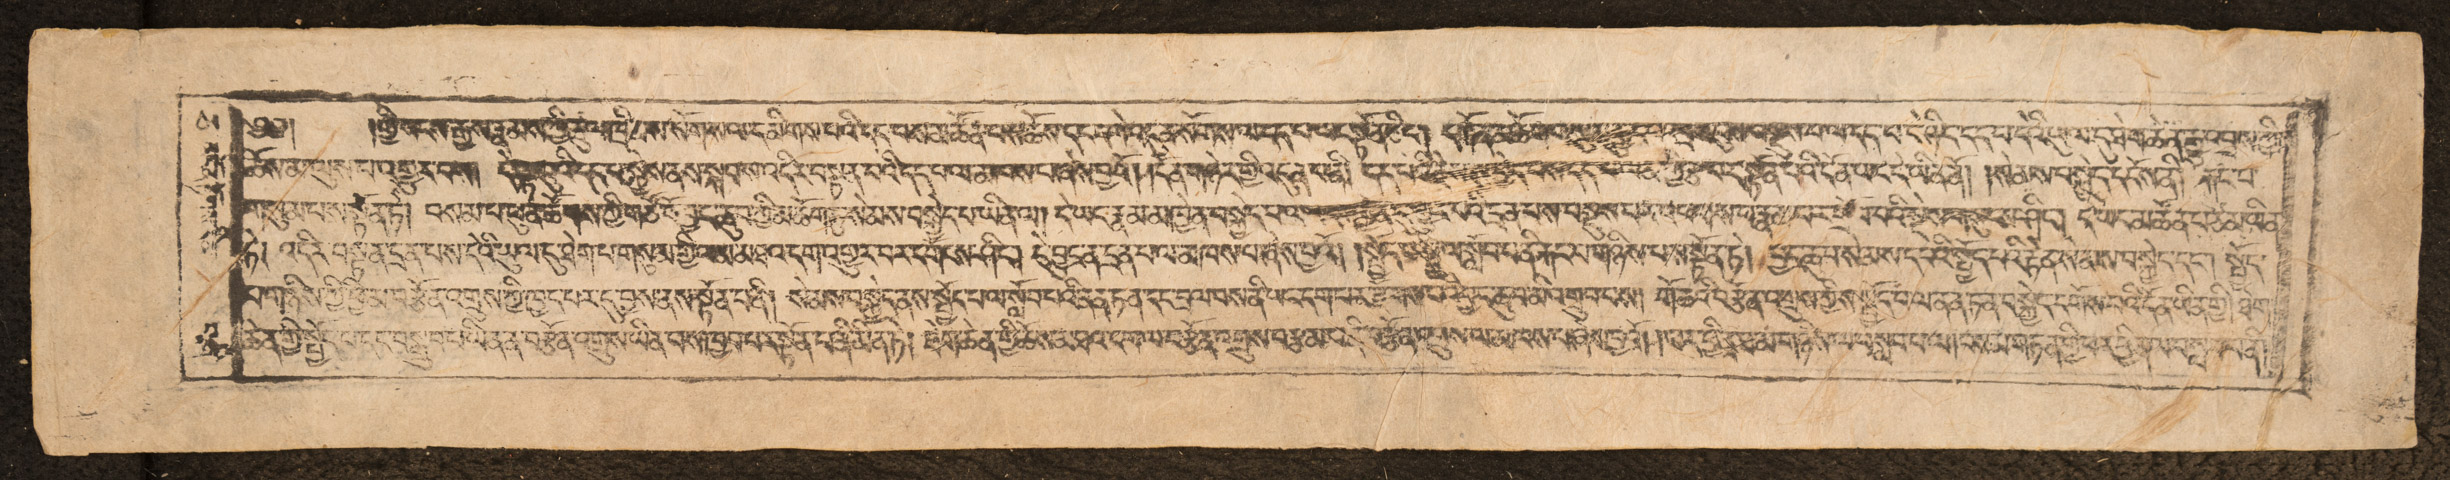༄༅། །གྱི་སངས་རྒྱས་རྣམས་ཀྱི་ཚུལ་ཁྲིམས་སོགས་ལ་དམིགས་པའི་དད་པས་མཚོན་པས་ཆོས་དང་དགེ་འདུན་སོགས་ལ་དད་པ་ཡང་སྟོན་ཅིང་། དཀོན་མཆོག་གསུམ་རྒྱུ་དང་འབྲས་བུས་བསྡུས་པ་ལ་དད་པ་དེ་ཉིད་དད་པ་དེའི་ཡུལ་དུ་ཐེག་ཆེན་རྒྱུ་འབྲས་ཀྱི་
ཆོས་མ་ལུས་པ་འགྱུར་བས། དེ་ལྟ་བུའི་དད་པ་སྐྱེས་ནས་སྐབས་འདིར་བསྟན་པའི་དད་པ་ལ་མཁས་པ་ཞེས་བྱའོ། །དོན་གཉེར་གྱི་འདུན་པ་ནི། དད་པའི་རྗེས་སུ་བྱེད་པས་དད་པ་ལམ་གྱི་རྩ་བར་སྟོན་པའི་དོན་ཡང་དེ་ཡིན་ནོ། །སེམས་བསྐྱེད་དངོས་ནི། རྐང་པ་
གསུམ་པས་སྟོན་ཏེ། བསམ་པ་ཕུན་ཚོགས་ཀྱི་གཙོ་བོ་བྱང་ཆུབ་ཀྱི་མཆོག་ཏུ་སེམས་བསྐྱེད་པ་ཡིན་ལ། དེ་ཡང་རྣམ་མཁྱེན་བསྐྱེད་པ་ལ་བདག་རྐྱེན་དུ་གྱུར་པའི་དྲན་པས་བསྡུས་པར་འཕགས་པ་རྣམ་པར་གྲོལ་བའི་སྡེས་གསུངས་ཤིང་། དེ་ཡང་མཚོན་པ་ཙམ་ཡིན་
ཏེ། འདིར་བསྟན་དྲན་པས་དེའི་ཡུལ་དུ་ཐེག་པ་གསུམ་གྱི་ལམ་མཐའ་དག་འགྱུར་བར་དགོངས་ཤིང་། དེ་བྱུང་ན་དྲན་པ་ལ་མཁས་པ་ཞེས་བྱའོ། །སྤྱོད་པ་སྤྱི་ལ་སློབ་པ་ནི་རྐང་པ་གཉིས་པས་སྟོན་ཏེ། བྱང་ཆུབ་སེམས་དཔའི་སྤྱོད་པའི་རྟེན་སེམས་བསྐྱེད་དང་། སྤྱོད་
པ་གཉིས་ཀྱི་ཕྱི་མ་བརྩོན་འགྲུས་ཀྱི་ཁྱད་པར་དུ་བྱས་ནས་སྟོན་པ་ནི། སེམས་བསྐྱེད་ནས་སྤྱོད་པ་ལ་སློབ་པའི་ནན་ཏན་དང་བྲལ་བས་ནི་ཡང་དག་པར་རྫོགས་པའི་བྱང་ཆུབ་མི་འགྲུབ་པས། གོ་ཆའི་བརྩོན་འགྲུས་ཀྱིས་སྤྱོད་པ་ལ་ནན་ཏན་བསྐྱེད་དགོས་པའི་དོན་ཡིན་གྱི། ཐེག་
ཆེན་གྱི་སྤྱོད་པ་དང་བསྒྲུབ་པ་ཡིན་ན་བརྩོན་འགྲུས་ཡིན་པས་ཁྱབ་པར་སྟོན་པ་ནི་མིན་ཏེ། ཐེག་ཆེན་གྱི་ཆོས་མཐའ་དག་ལ་བརྩོན་འགྲུས་བརྩམ་པ་ནི་བརྩོན་འགྲུས་ལ་མཁས་པ་ཞེས་བྱའོ། །ཕར་ཕྱིན་ཐ་མ་གཉིས་ལ་བསླབ་པ་ལ། བསམ་གཏན་གྱི་ཕར་ཕྱིན་ལ་བསླབ་པ་ནི།